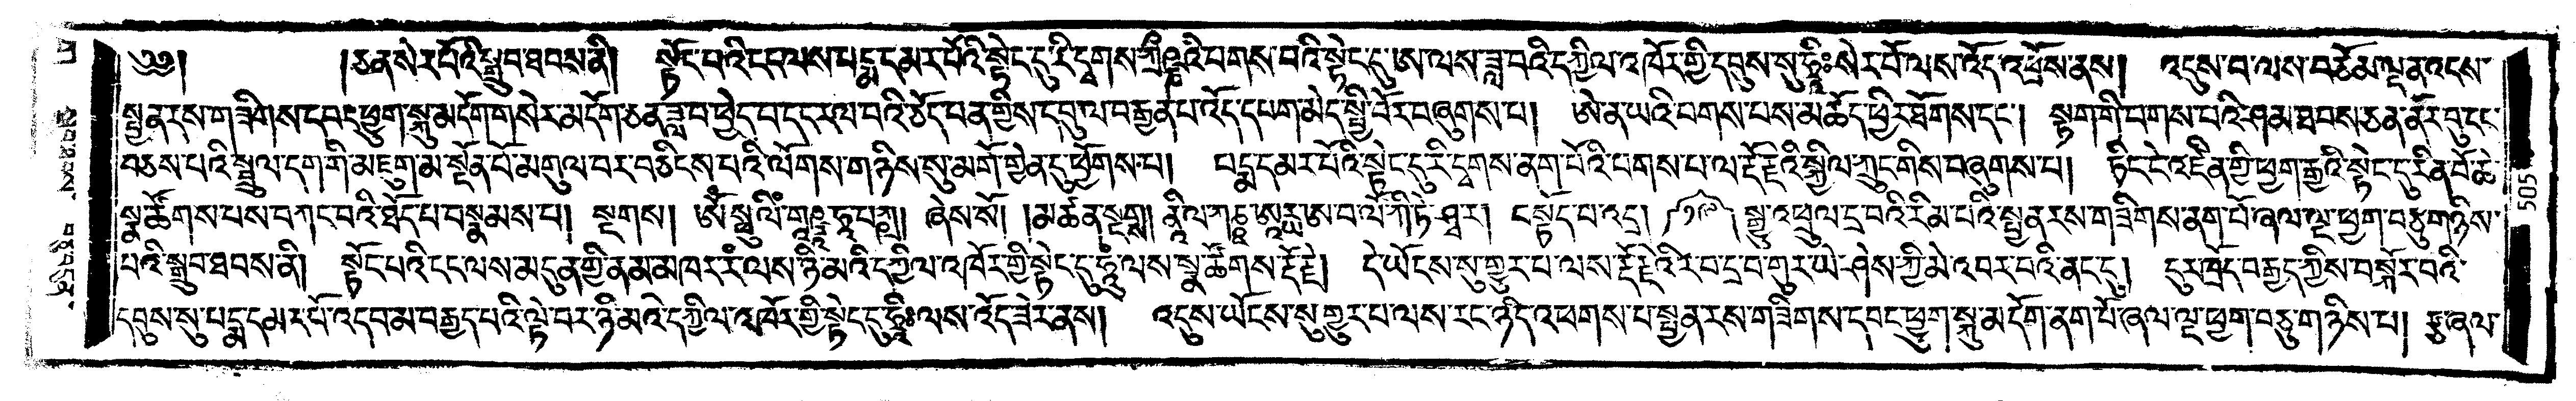༄༅། །ཅན་སེར་པོའི་སྒྲུབ་ཐབས་ནི། སྟོང་པའི་ངང་ལས་པདམ་དམར་པོའི་སྟེང་དུ་རི་དྭགས་ཀྲྀཥྞའི་པགས་པའི་སྟེང་དུ་ཨ་ལས་ཟླ་བའི་དཀྱིལ་འཁོར་གྱི་དབུས་སུ་ཧྲཱིཿསེར་པོ་ལས་འོད་འཕྲོས་ནས། འདུས་བ་ལས་བཅོམ་ལྡན་འདས་
སྤྱན་རས་གཟིགས་དབང་ཕྱུག་སྐུ་མདོག་གསེར་མདོག་ཅན་ཟླ་བ་ཕྱེད་པ་དང་རལ་བའི་ཅོད་བན་གྱིས་དབུལ་བརྒྱན་པ་འོད་དཔག་མེད་སྤྱི་བོར་བཞུགས་པ། ཨེ་ན་ཡའི་བགས་པས་མཆོད་ཕྱིར་ཐོགས་དང་། སྟག་གི་པགས་པའི་ཤམ་ཐབས་ཅན་ནོར་བུ་དང་
བཅས་པའི་སྦྲུལ་དག་གི་མཇུག་མ་སྔོན་པོ་མགུལ་བར་བཅིངས་པའི་ལོགས་གཉིས་སུ་མགོ་གྱེན་དུ་ཕྱོགས་པ། པདམ་དམར་པོའི་སྟེང་དུ་རི་དྭགས་ནག་པོའི་པགས་པ་ལ་རྡོ་རྗེའི་སྐྱིལ་ཀྲུང་གིས་བཞུགས་པ། ཏིང་ངེ་འཛིན་གྱི་ཕྱག་རྒྱའི་སྟེང་དུ་རིན་པོ་ཆེ་
སྣ་ཚོགས་པས་བཀང་བའི་ཐོད་པ་བསྣམས་པ། སྔགས། ཨོཾ་སྥུ་ལིཾ་གཱཥྜཱ་ཧཱ་པཀྵ། ཞེས་སོ། །མཚན་སྔགས། ནཱི་ལ་ཀཎཊཿཨ་ཨཱརྱ་ཨ་བ་ལོ་ཀི་ཏེ་ཤྭ་ར། བསྟོད་པ་འདྲ། ༡༩?་སྒྱུ་འཕྲུལ་དྲ་བའི་རིམ་པའི་སྤྱན་རས་གཟིགས་ནག་པོ་ཞལ་ལྔ་ཕྱག་བཅུ་གཉིས་
པའི་སྒྲུབ་ཐབས་ནི། སྟོང་པའི་ངང་ལས་མདུན་གྱི་ནམ་མཁར་རཾ་ལས་ཉི་མའི་དཀྱིལ་འཁོར་གྱི་སྟེང་དུ་ཧཱུཾ་ལས་སྣ་ཚོགས་རྡོ་རྗེ། དེ་ཡོངས་སུ་གྱུར་པ་ལས་རྡོ་རྗེའི་རབ་དྲ་བ་གུར་ཡེ་ཤེས་ཀྱི་མེ་འབར་བའི་ནང་དུ། དུར་ཁྲོད་བརྒྱད་ཀྱིས་བསྐོར་བའི་
དབུས་སུ་པདམ་དམར་པོ་འདབ་མ་བརྒྱད་པའི་ལྟེ་བར་ཉི་མའི་དཀྱིལ་འཁོར་གྱི་སྟེང་དུ་ཧྲཱིཿལས་འོད་ཟེར་ནས། འདུས་ཡོངས་སུ་གྱུར་པ་ལས་རང་ཉིད་འཕགས་པ་སྤྱན་རས་གཟིགས་དབང་ཕྱུག་སྐུ་མདོག་ནག་པོ་ཞལ་ལྔ་ཕྱག་བཅུ་གཉིས་པ། རྩ་ཞལ་